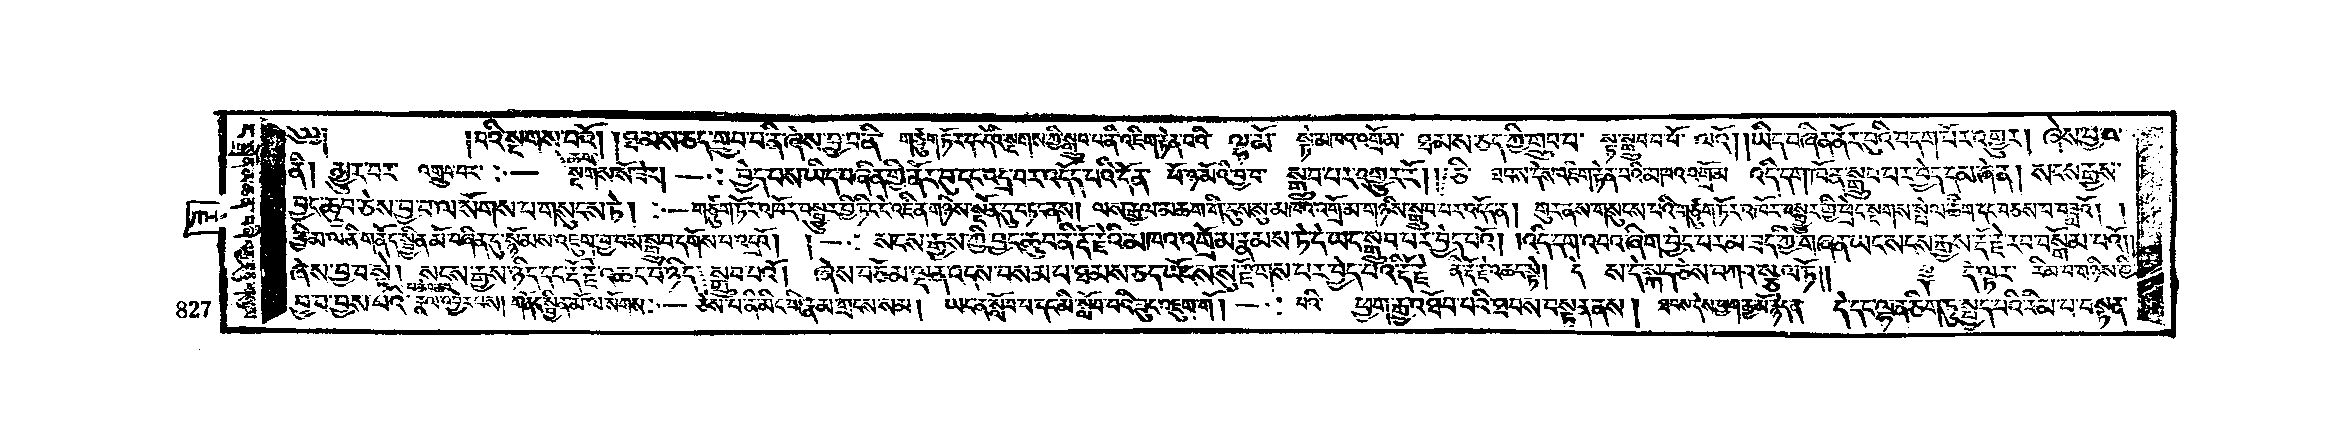༄༅། །བའི་སྔགས་པའོ། །ཐམས་ཅད་གྲུབ་པ་ནི་ཞེས་བྱ་བ་ནི་གཙུག་ཏོར་དང་དེའི་སྔགས་ཀྱི་སྒྲུབ་པ་ནི་འཇིག་རྟེན་པའི་ལྷ་མོ་སྟེ་མཁའ་འགྲོ་མ་ཐམས་ཅད་ཀྱི་གྲུབ་པ་སྟེ་སྒྲུབ་པ་པོ་ལའོ། །ཡིད་བཞིན་ནོར་བུའི་བདག་པོར་འགྱུར། ཞེས་བྱ་བ་
ནི། མྱུར་བར་འགྲུབ་པར་H.་ཆག་སྔགས་སོ་ཟེར། .H བྱེད་པས་ཡིད་བཞིན་གྱི་ནོར་བུ་དང་འདྲ་བར་འདོད་པའི་དོན་ཕོ་ཉ་མོའི་བྱ་བ་སྒྲུབ་པར་འགྱུར་རོ། །ཅི་ཐབས་དེས་འཇིག་རྟེན་པའི་མཁའ་འགྲོ་མ་འདི་དག་ཁོ་ན་སྒྲུབ་པར་བྱེད་དམ་ཞེ་ན། སངས་རྒྱས་
བྱང་ཆུབ་ཅེས་བྱ་བ་ལ་སོགས་པ་གསུངས་ཏེ། H.་གཙུག་ཏོར་འཁོར་བསྒྱུར་གྱི་ཏིང་ངེ་འཛིན་གཉིས་སྔོན་དུ་བཏང་ནས། ལས་རྒྱལ་མཆོག་གི་དུས་སུ་མཁའ་འགྲོ་མ་གཉིས་སྒྲུབ་པར་འདོད་ན། གུར་ནས་གསུངས་པའི་གཙུག་ཏོར་འཁོར་བསྒྱུར་གྱི་ཕྲེང་སྔགས་སྤེལ་ཚིག་དང་བཅས་པ་བཟླའོ། །
ཕྱི་མ་ལ་ནི་གནོད་སྦྱིན་མོ་བཞིན་དུ་སྙོམས་འཇུག་བྱ་བས་སྒྲུབ་དགོས་པ་འདྲའོ། །.H སངས་རྒྱས་ཀྱི་བྱང་ཆུབ་ནི་རྡོ་རྗེའི་མཁའ་འགྲོ་མ་རྣམས་ཏེ་དེ་ཡང་སྒྲུབ་པར་བྱེད་པའོ། །འདི་དག་འབའ་ཞིག་བྱེད་པར་མ་ཟད་ཀྱི་གཞན་ཡང་སངས་རྒྱས་རྡོ་རྗེ་རབ་བསྒོམ་པའོ།།
ཞེས་བྱ་བ་སྟེ། སངས་རྒྱས་ཉིད་དང་རྡོ་རྗེ་འཆང་བ་ཉིད་སྒྲུབ་པའོ། ཞེས་བཅོམ་ལྡན་འདས་བསམ་པ་ཐམས་ཅད་ཡོངས་སུ་རྫོགས་པར་བྱེད་པའི་རྡོ་རྗེ་ནི་རྡོ་རྗེ་འཆང་སྟེ། དེས་དེ་སྐད་ཅེས་བཀའ་སྩལ་ཏོ།། ༈ དེ་ལྟར་རིམ་པ་གཉིས་ཀྱི་
བྱས་བྱས་པའི་པ་ཚབ་ཆག་རྣལ་འབྱོར་པས། གནོད་སྦྱིན་མོ་ལ་སོགས་H.་ཅེས་པ་ནི་མིང་གི་རྣམ་གྲངས་སམ། ཡང་ན་སློབ་པ་དང་མི་སློབ་པའི་ཟུང་འཇུག་གོ ། .H པའི་ཕྱག་རྒྱ་འཐོབ་པའི་ཐབས་བསྟན་ནས། ཐབས་དེས་ཕྱག་རྒྱ་མོ་རྙེད་ན་དེ་དང་ལྷན་ཅིག་ཏུ་སྤྱད་པའི་རིམ་པ་བསྟན་